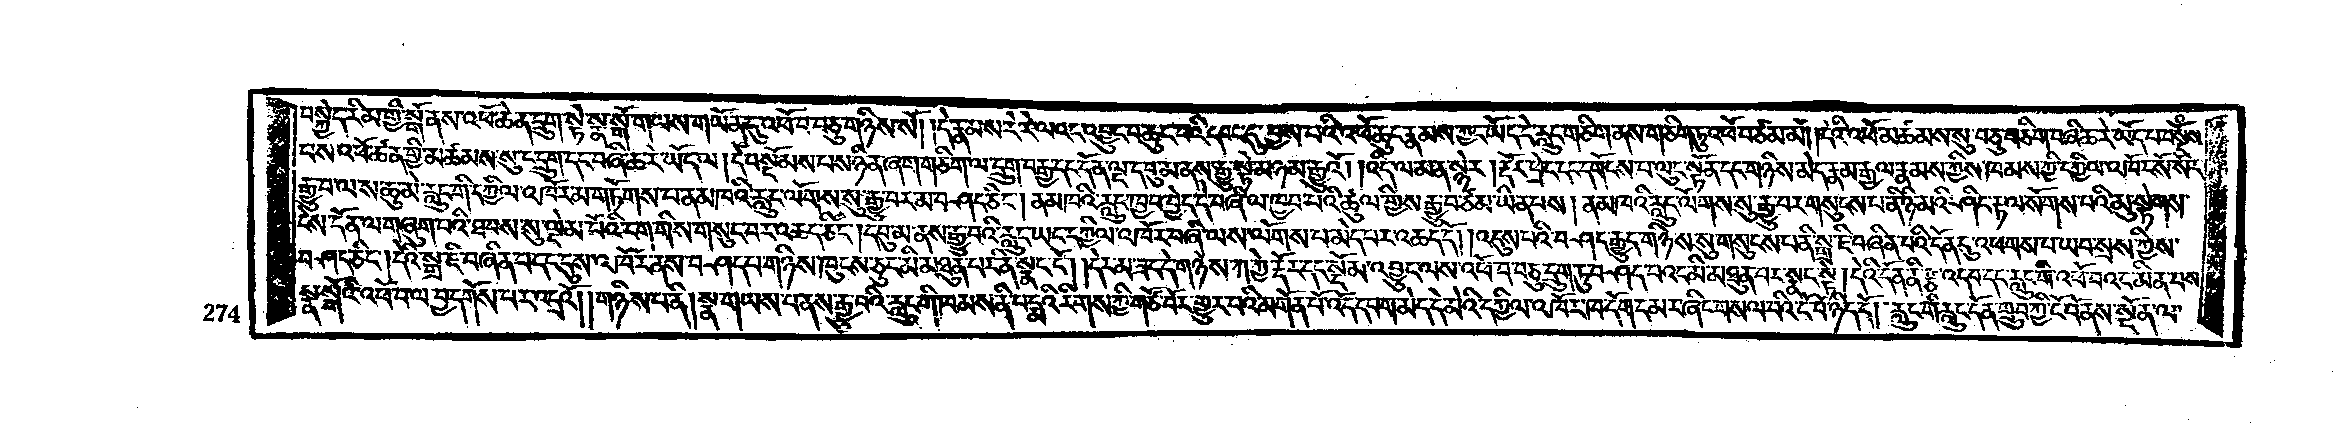བསྐྱེད་རིམ་གྱི་སྒོ་ནས་འཕོ་ཆེན་དྲུག་སྟེ་སྣ་སྒོ་གཡས་གཡོན་དུ་འཕོ་བ་བཅུ་གཉིས་སོ། །དེ་རྣམས་རེ་རེ་ལའང་འབྱུང་བ་ཆུང་བའི་དབང་དུ་བྱས་པའི་འཕོ་ཆུང་རྣམས་ཀྱང་ཡོད་དེ་རླུང་གཅིག་ནས་གཅིག་ཏུ་འཕོ་བ་ཙམ་མོ། །དེའི་འཕོ་མཚམས་སུ་བཅུ་གཅིག་བཞི་ཆ་རེ་ཡོད་པ་བསྡོམས་
པས་འཕོ་ཆེན་གྱི་མཚམས་སུ་ང་དྲུག་དང་བཞི་ཆ་རེ་ཡོད་ལ། དེ་བསྡོམས་པས་ཉིན་ཞག་གཅིག་ལ་དྲུག་བརྒྱ་དང་དོན་ལྔ་དབུ་མ་ནས་རྒྱུ་སྟེ་མཉམ་རྒྱུའོ། །འདི་ལ་མན་སྙེར། རྡོར་ཕྲེང་དང་དགོངས་པ་ལུང་སྟོན་དང་གཉིས་མེད་རྣམ་རྒྱལ་རྣམས་ཀྱིས་ཁམས་ཀྱི་དཀྱིལ་འཁོར་སོ་སོར་
རྒྱུ་བ་ལ་ས་ཆུ་མེ་རླུང་གི་དཀྱིལ་འཁོར་མ་གཏོགས་པ་ནམ་མཁའི་རླུང་ལོགས་སུ་རྒྱུ་བར་མ་བཤད་ཅིང་། ནམ་མཁའི་རླུང་ཁྱབ་བྱེད་དེ་བཞི་ལ་ཁྱབ་པའི་ཚུལ་གྱིས་རྒྱུ་བ་ཙམ་ཡིན་པས། ནམ་མཁའི་རླུང་ལོགས་སུ་རྒྱུ་བར་གསུངས་པ་ནི་ཉི་མའི་ཤིང་རྟ་ལ་སོགས་པའི་མུ་སྟེགས་
ངེས་དོན་ལ་གཞུག་པའི་ཐབས་སུ་ལྡེམ་པོའི་ངག་གིས་གསུང་བར་འཆད་ཅིང་། དབུ་མ་ནས་རྒྱུ་བའི་རླུང་ཡང་དཀྱིལ་འཁོར་བཞི་ལས་ལོགས་པ་མེད་པར་འཆད་དོ། །འདུས་པའི་བཤད་རྒྱུད་གཉིས་སུ་གསུངས་པ་ནི་སྒྲ་ཇི་བཞིན་པའི་དོན་དུ་འཕགས་པ་ཡབ་སྲས་ཀྱིས་
བཤད་ཅིང་། དེའི་སྒྲ་ཇི་བཞིན་པ་དང་དུས་འཁོར་ནས་བཤད་པ་གཉིས་ཁུངས་ཅུང་མི་མཐུན་པར་ནི་སྣང་ངོ། །དེར་མ་ཟད་དེ་གཉིས་ཀ་ཀྱེ་རྡོར་དང་སྡོམ་འབྱུང་ལས་འཕོ་བ་བཅུ་དྲུག་ཏུ་བཤད་པའང་མི་མཐུན་པར་སྣང་སྟེ། དེའི་དོན་ནི་རྩ་འདབ་དང་རླུང་གི་འཕོ་བའང་མིན་པས་
སྣ་སྒོའི་འཕོ་བ་ལ་བྱ་དགོས་པར་འདྲའོ། །གཉིས་པ་ནི། སྣ་གཡས་པ་ནས་རྒྱུ་བའི་རླུང་གི་ཁམས་ནི་པདམའི་རིགས་ཀྱི་གཙོ་བོར་གྱུར་པའི་མགོན་པོ་འོད་དཔག་མེད་དེ་མེའི་དཀྱིལ་འཁོར་ཁ་དོག་དམར་ཞིང་གསལ་བའི་ངོ་བོ་ཉིད་དོ། རླུང་གི་རླུང་དོན་གྲུབ་ཀྱི་ངོ་བོ་ནས་སྔོན་ལ་